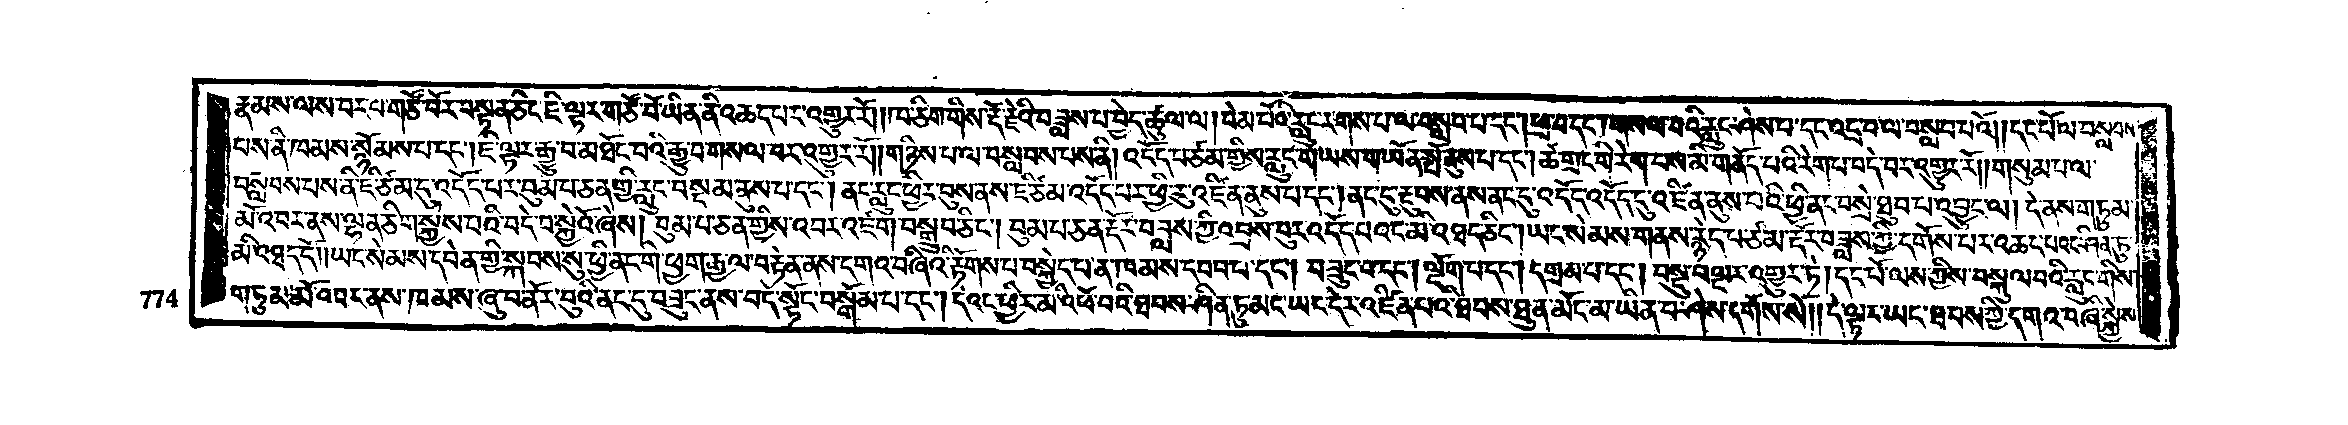རྣམས་ལས་བར་པ་གཙོ་བོར་བསྟན་ཅིང་ཇི་ལྟར་གཙོ་བོ་ཡིན་ནི་འཆད་པར་འགྱུར་རོ། །ཁ་ཅིག་གིས་རྡོ་རྗེའི་བཟླས་པ་བྱེད་ཚུལ་ལ། བེམ་པོའི་རླུང་རགས་པ་ལ་བསླབ་པ་དང་། ཕྲ་བ་དང་། གསལ་བའི་རླུང་ཤེས་པ་དང་འདྲ་བ་ལ་བསླབ་པའོ། །དང་པོ་ལ་བསླབས་
པས་ནི་ཁམས་སྙོམས་པ་དང་། ཇི་ལྟར་རྒྱུ་བ་མཐོང་བའི་རྒྱུ་བ་གསལ་བར་འགྱུར་རོ། །གཉིས་པ་ལ་བསླབས་པས་ནི། འདོད་པ་ཙམ་གྱིས་རླུང་གཡས་གཡོན་སྤོ་ནུས་པ་དང་། ཚ་གྲང་གི་རེག་པས་མི་གནོད་པའི་རེག་པ་བདེ་ཐར་འགྱུར་རོ། །གསུམ་པ་ལ་
བསླབས་པས་ནི་ཇི་ཙམ་དུ་འདོད་པར་བུམ་པ་ཅན་གྱི་རླུང་བསྔམ་ནུས་པ་དང་། ནང་རླུང་ཕྱིར་བུས་ནས་ཇི་ཙམ་འདོད་པར་ཕྱི་རུ་འཛིན་ནུས་པ་དང་། ནང་དུ་རྡུབས་ནས་ནང་དུ་འདོད་འདོད་དུ་འཛིན་ནུས་པའི་ཕྱི་ནང་བསྲེ་ཐུབ་པ་འབྱུང་ལ། དེ་ནས་གཏུམ་
མོ་འབར་ནས་ལྷན་ཅིག་སྐྱེས་པའི་བདེ་བ་སྐྱེའོ་ཞེས། བུམ་པ་ཅན་གྱིས་འབར་འཛག་བསྒྲུབ་ཅིང་། བུམ་པ་ཅན་རྡོར་བཟླས་ཀྱི་འབྲས་བུར་འདོད་པའང་མི་འཐད་ཅིང་། ཡང་སེམས་གནས་རྙེད་པ་ཙམ་རྡོར་བཟླས་ཀྱི་དགོས་པར་འཆད་པའང་ཤིན་ཏུ་
མི་འཐད་དོ། །ཡང་སེམས་དབེན་གྱི་སྐབས་སུ་ཕྱི་ནང་གི་ཕྱག་རྒྱ་ལ་བརྟེན་ནས་དགའ་བཞིའི་རྟོགས་པ་བསྐྱེད་པ་ན་ཁམས་དབབ་པ་དང་། བཟུང་བ་དང་། ལྡོག་པ་དང་། དགྲམ་པ་དང་། བསྡུ་བ་ལྔར་འགྱུར་ཏེ། དང་པོ་ལས་ཀྱིས་བསྐུལ་བའི་རླུང་གིས་
གཏུམ་མོ་འབར་ནས་ཁམས་ཞུ་བ་ནོར་བུའི་ནང་དུ་བཟུང་ནས་བདེ་སྟོང་བསྒོམ་པ་དང་། དེའང་ཕྱིར་མི་འཕོ་བའི་ཐབས་ཤིན་ཏུ་མང་ཡང་དེར་འཛིན་པའི་ཐབས་ཐུན་མོང་མ་ཡིན་པ་ཤེས་དགོས་སོ། །དེ་ལྟར་ཡང་ཐབས་ཀྱི་དགའ་བཞི་སྐྱེས་